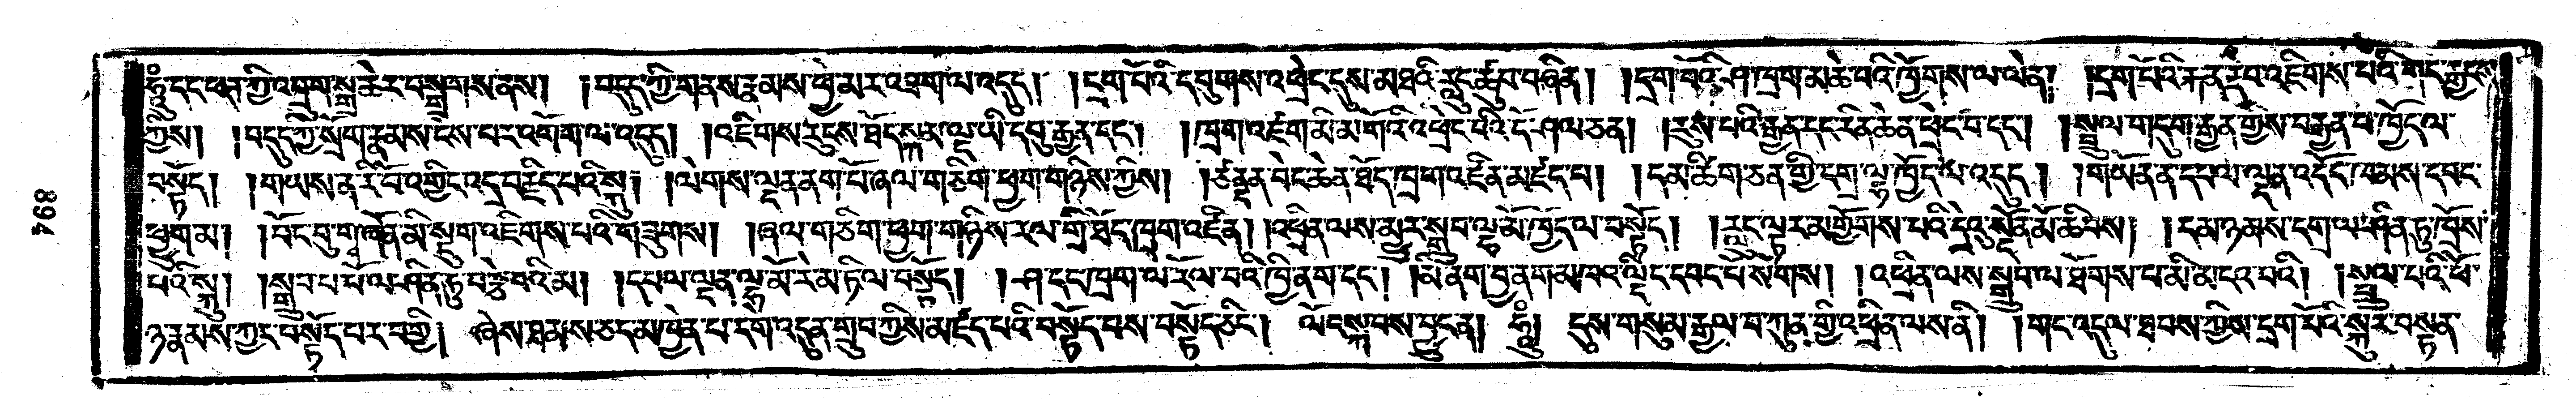ཧཱུཾ་དང་ཕཊ་ཀྱི་འབྲུག་སྒྲ་ཆེར་བསྒྲགས་ནས། །བདུད་ཀྱི་གནས་རྣམས་ཕྱེ་མར་འཐག་ལ་འདུད། །དྲག་པོའི་དབུགས་འཕྲེང་དུས་མཐའི་རླུང་ཚུབ་བཞིན། །དྲག་པོའི་ཤ་ཁྲག་མཆེ་བའི་ཁྱོགས་ལ་ལེན། །དྲག་པོའི་རྐན་རྡེབ་འཇིགས་པའི་གང་རྒྱངས་
ཀྱིས། །བདུད་ཀྱི་སྲོག་རྣམས་ངེས་པར་འགོག་ལ་འདུད། །འཇིགས་རུངས་ཐོད་སྐམ་ལྔ་ཡི་དབུ་རྒྱན་དང་། །ཁྲག་འཛག་མི་མགོའི་འཕྲེང་བའི་དོ་ཤལ་ཅན། །རུས་པའི་རྒྱན་དང་རིན་ཆེན་ཕྲེང་བ་དང་། །སྦྲུལ་གདུག་རྒྱན་གྱིས་བརྒྱན་པ་ཁྱོད་ལ་
བསྟོད། །གཡས་ན་རི་བོ་འགྱིང་འདྲ་བརྗིད་པའི་སྐུ། །ལེགས་ལྡན་ནག་པོ་ཞལ་གཅིག་ཕྱག་གཉིས་ཀྱིས། །ཙནྡན་བེང་ཆེན་ཐོད་ཁྲག་འཛིན་མཛད་པ། །དམ་ཚིག་ཅན་གྱི་དགྲ་ལྷ་ཁྱོད་ལ་འདུད། །གཡོན་ན་དཔལ་ལྡན་འདོད་ཁམས་དབང་
ཕྱུག་མ། །བོང་བུ་གཞོན་མི་སྡུག་འཇིགས་པའི་གཟུགས། །ཞལ་གཅིག་ཕྱག་གཉིས་རལ་གྲི་ཐོད་ཁྲག་འཛིན། །འཕྲིན་ལས་མྱུར་སྒྲུབ་ལྷ་མོ་ཁྱོད་ལ་བསྟོད། །རླུང་ལྟར་མགྱོགས་པའི་དྲེའུ་སྔོན་མོ་ཆིབས། །དམ་ཉམས་དགྲ་ལ་ཤིན་ཏུ་ཁྲོས་
པའི་སྐུ། །སྒྲུབ་པ་པོ་ལ་ཤིན་ཏུ་བརྩེ་བའི་མ། །དཔལ་ལྡན་ལྷ་མོ་རེ་མ་ཏི་ལ་བསྟོད། །ཤ་དང་ཁྲག་ལ་རོལ་པའི་ཁྱི་ནག་དང་། །མི་ནག་བྱ་ནག་མཁའ་ལྡིང་དབང་པོ་སོགས། །འཕྲིན་ལས་སྒྲུབ་ལ་ཐོགས་པ་མི་མངའ་བའི། །སྤྲུལ་པའི་ཕོ་
ཉ་རྣམས་ཀྱང་བསྟོད་པར་བགྱི། ཞེས་ཐམས་ཅད་མཁྱེན་པ་དགེ་འདུན་གྲུབ་ཀྱིས་མཛད་པའི་བསྟོད་པས་བསྟོད་ཅིང་། ལོང་སྐབས་བྱུང་ན། ཧཱུཾ། དུས་གསུམ་རྒྱལ་བ་ཀུན་གྱི་འཕྲིན་ལས་ནི། །གང་འདུལ་ཐབས་ཀྱིས་དྲག་པོའི་སྐུར་བསྟན་